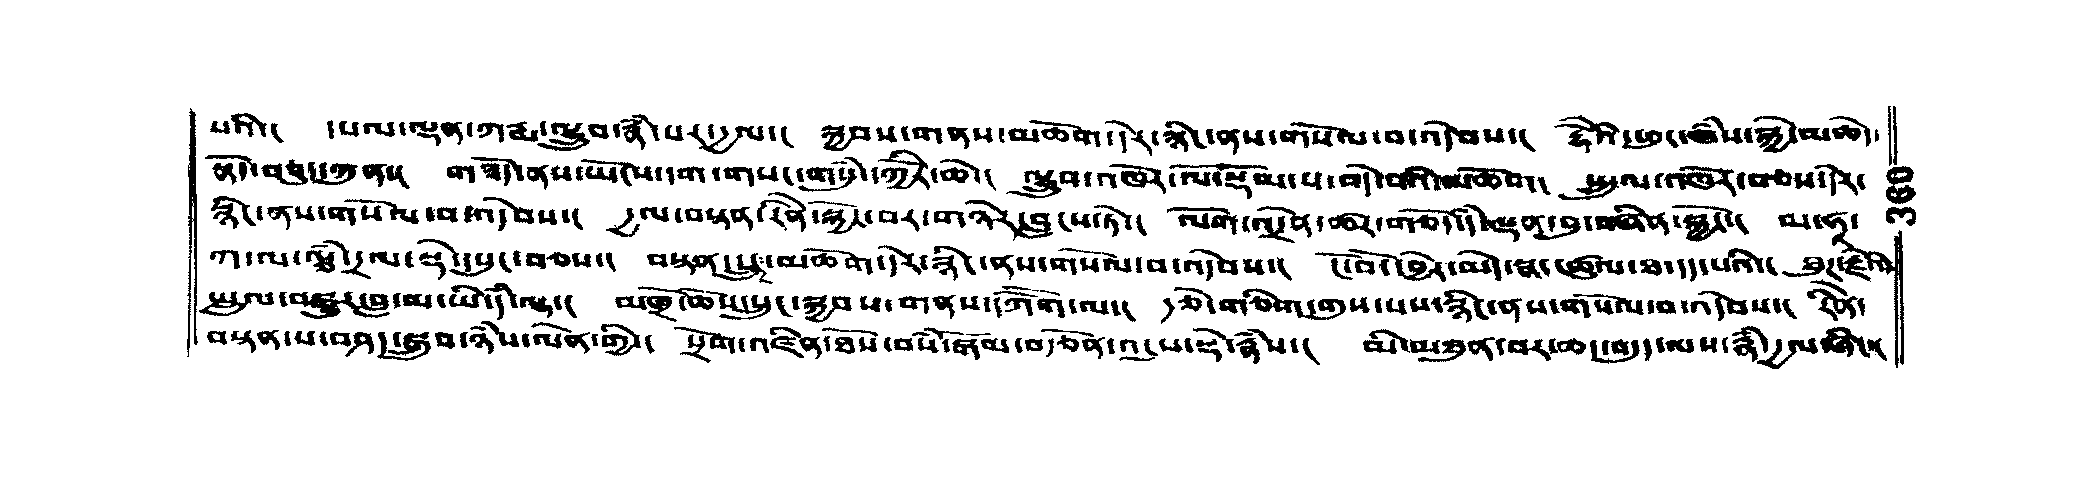པའི། །དཔལ་ལྡན་ཀརྨ་ལྷུན་གྲུབ་རྣམ་པར་རྒྱལ། །སྐྱབས་གནས་མཆོག་དེར་སྙིང་ནས་གསོལ་བ་འདེབས། །རྡོ་རྗེའི་ཕུང་ཁམས་སྐྱེ་མཆེད་
སྣོད་བཅུད་ཀུན། །གཟོད་ནས་ཡོངས་དག་གསང་གསུམ་དཀྱིལ་འཁོར་ཆེ། །ལྷུན་གྲུབ་འཁོར་ལོ་སྡོམ་པ་བདེ་བའི་མཆོག །སྤྲུལ་འཁོར་བཅས་དེར་
སྙིང་ནས་གསོལ་བ་འདེབས། །རྒྱལ་བསྟན་རིན་ཆེན་སྐྱོང་བར་ཉེར་བླངས་ཏེ། །ལོག་འདྲེན་ཚར་གཅོད་དམ་ལྡན་བུ་བཞིན་སྐྱོང་། །མ་ཧཱ་
ཀ་ལ་ལྕམ་དྲལ་སྡེ་དཔུང་བཅས། །བསྟན་སྲུང་མཆོག་དེར་སྙིང་ནས་གསོལ་བ་འདེབས། །ངོ་བོ་དབྱེར་མེད་སྣང་ཚུལ་ཐ་དད་པའི། །ཐུགས་རྗེའི་
སྤྲུལ་བསྒྱུར་བླ་མ་ཡི་དམ་ལྷ། །མཁའ་འགྲོ་ཆོས་སྲུང་སྐྱབས་གནས་དཀོན་མཆོག་ལ། །རྩེ་གཅིག་གུས་པས་སྙིང་ནས་གསོལ་བ་འདེབས། །རིན་ཆེན་
བསྟན་པ་བཤད་སྒྲུབ་ཉམས་ལེན་གྱི། །སྲོག་འཛིན་ཐོས་བསམ་སྒོམ་བརྩོན་འདུས་སྡེ་རྣམས། །མི་མཐུན་བར་ཆད་བདུད་ལས་རྣམ་རྒྱལ་ཞིང་།